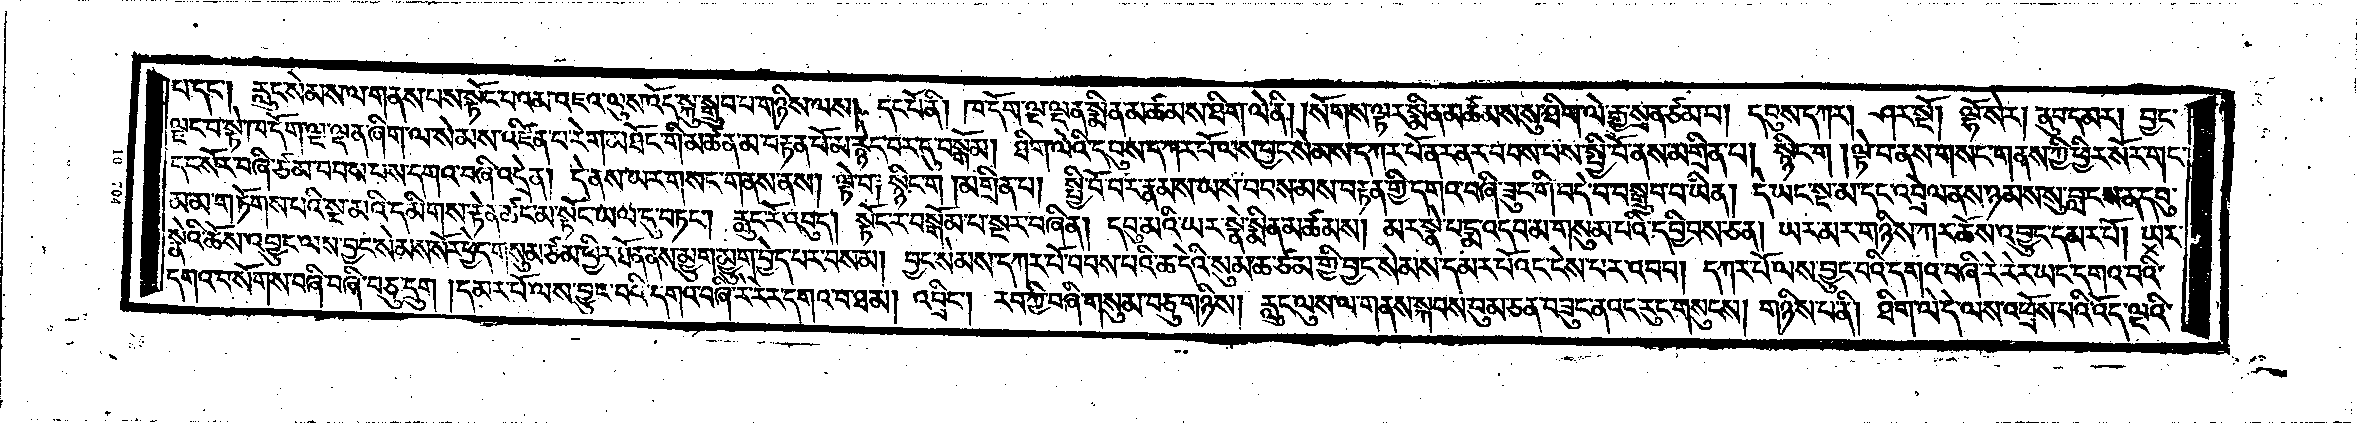བ་དང་། རླུང་སེམས་ལ་གནས་པས་སྟོང་པའམ་འཇའ་ལུས་འོད་སྐུ་སྒྲུབ་པ་གཉིས་ལས། དང་པོ་ནི། ཁ་དོག་ལྔ་ལྡན་སྨིན་མཚམས་ཐིག་ལེ་ནི། །སོགས་ལྟར་སྨིན་མཚམས་སུ་ཐིག་ལེ་རྒྱ་སྲན་ཙམ་པ། དབུས་དཀར། ཤར་སྔོ། ལྷོ་སེར། ནུབ་དམར། བྱང་
ལྗང་བ་སྟེ་ཁ་དོག་ལྔ་ལྡན་ཞིག་ལ་སེམས་འཛིན་པ་རེག་མཐོང་གི་མཚན་མ་བརྟན་པོ་མ་རྙེད་བར་དུ་བསྒོམ། ཐིག་ལེའི་དབུས་དཀར་པོ་ལས་བྱང་སེམས་དཀར་པོ་ནར་ནར་བབས་པས་སྤྱི་བོ་ནས་མགྲིན་པ། སྙིང་ག །ལྟེ་བ་ནས་གསང་གནས་ཀྱི་ཕྱིར་སོར་གང་
དང་སོར་བཞི་ཙམ་བབས་བས་དགའ་བཞི་འདྲེན། དེ་ནས་ཡར་གསང་གནས་ནས། ལྟེ་བ༑ སྙིང་ག །མགྲིན་པ། སྤྱི་བོ་བར་རྣམས་ཡས་བབས་མས་བརྟན་གྱི་དགའ་བཞི་ཟུང་གི་བདེ་བ་བསྒྲུབ་པ་ཡིན། དེ་ཡང་སྔ་མ་དང་འབྲེལ་ནས་ཉམས་སུ་བླངས་ན་དབུ་
མ་མ་གཏོགས་པའི་སྔ་མའི་དམིགས་རྟེན་ཚང་མ་སྟོང་ཡལ་དུ་བཏང་། རླུང་རོ་འབུད། སྟོང་ར་བསྒོམ་པ་སྔར་བཞིན། དབུ་མའི་ཡར་སྣེ་སྨིན་མཚམས། མར་སྣེ་པདམ་འདབ་མ་གསུམ་པའི་དབྱིབས་ཅན། ཡར་མར་གཉིས་ཀར་ཆོས་འབྱུང་དམར་པོ། ཡར་
སྣེའི་ཆོས་འབྱུང་ལས་བྱང་སེམས་སོར་ཕྱེད་གསུམ་ཙམ་ཕྱིར་ཐོན་ནས་མྱུག་མྱུག་བྱེད་པར་བསམ། བྱང་སེམས་དཀར་པོ་བབས་པའི་ཆ་དེའི་སུམ་ཆ་ཙམ་གྱི་བྱང་སེམས་དམར་པོའང་ངེས་པར་འབབ། དཀར་པོ་ལས་བྱུང་བའི་དགའ་བཞི་རེ་རེར་ཡང་དགའ་བའི་
དགའ་བ་སོགས་བཞི་བཞི་བཅུ་དྲུག །དམར་པོ་ལས་བྱུང་བའི་དགའ་བཞི་རེ་རེར་དགའ་བ་ཐ་མ། འབྲིང་། རབ་ཀྱི་བཞི་གསུམ་བཅུ་གཉིས། རླུང་ལུས་ལ་གནས་སྐབས་བུམ་ཅན་བ་ཟུང་ནའང་རུང་གསུངས། གཉིས་པ་ནི། ཐིག་ལེ་དེ་ལས་འཕྲོས་བའི་འོད་ལྔའི་